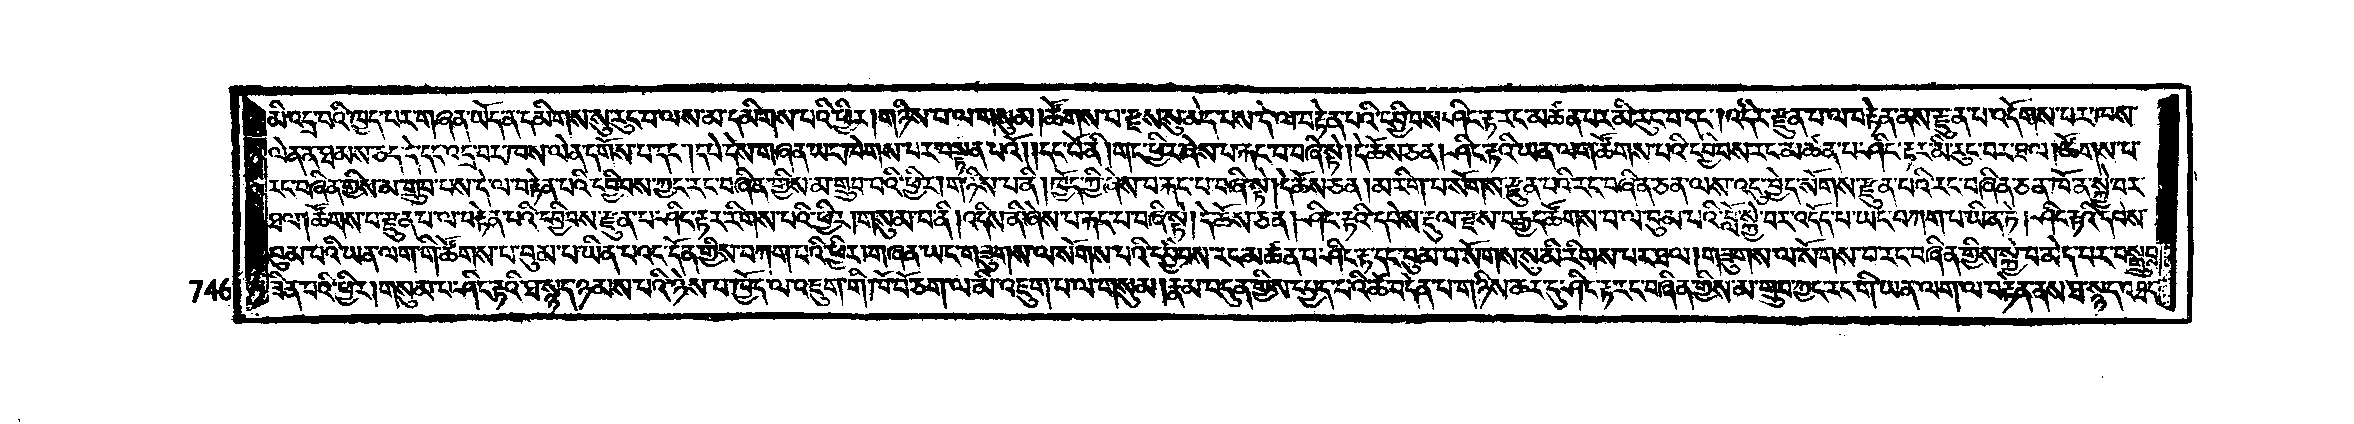མི་འདྲ་བའི་ཁྱད་པར་གཞན་ཡོད་ན་དམིགས་སུ་རུང་བ་ལས་མ་དམིགས་པའི་ཕྱིར། གཉིས་པ་ལ་གསུམ། ཚོགས་པ་རྫས་སུ་མེད་པས་དེ་ལ་བརྟེན་པའི་དབྱིབས་ཤིང་རྟ་རང་མཚན་པར་མི་རུང་བ་དང་། འདིར་རྫུན་པ་ལ་བརྟེན་ནས་རྫུན་པ་འདོགས་པར་ཁས་
ལེན་ན་ཐམས་ཅད་དེ་དང་འདྲ་བར་ཁས་ལེན་དགོས་པ་དང་། དཔེ་དེས་གཞན་ཡང་ཁེགས་པར་བསྟན་པའོ། །དང་པོ་ནི། གང་ཕྱིར་ཞེས་པ་རྐང་པ་བཞི་སྟེ། དེ་ཆོས་ཅན། ཤིང་རྟའི་ཡན་ལག་ཚོགས་པའི་དབྱིབས་རང་མཚན་པ་ཤིང་རྟར་མི་རུང་བར་ཐལ། ཚོགས་པ་
རང་བཞིན་གྱིས་མ་གྲུབ་པས་དེ་ལ་བརྟེན་པའི་དབྱིབས་ཀྱང་རང་བཞིན་གྱིས་མ་གྲུབ་པའི་ཕྱིར། གཉིས་པ་ནི། ཁྱོད་ཀྱི་ཞེས་པ་རྐང་པ་བཞི་སྟེ། དེ་ཆོས་ཅན། མ་རིག་པ་སོགས་རྫུན་པའི་རང་བཞིན་ཅན་ལས་འདུ་བྱེད་སོགས་རྫུན་པའི་རང་བཞིན་ཅན་ཁོ་ན་སྐྱེ་བར་
ཐལ། ཚོགས་པ་རྫུན་པ་ལ་བརྟེན་པའི་དབྱིབས་རྫུན་པ་ཤིང་རྟར་རིགས་པའི་ཕྱིར། གསུམ་པ་ནི། འདིས་ནི་ཞེས་པ་རྐང་པ་བཞི་སྟེ། དེ་ཆོས་ཅན། ཤིང་རྟའི་དཔེས་རྡུལ་རྫས་བརྒྱད་ཚོགས་པ་ལ་བུམ་པའི་བློ་སྐྱེ་བར་འདོད་པ་ཡང་བཀག་པ་ཡིན་ཏེ། ཤིང་རྟའི་དཔེས་
བུམ་པའི་ཡན་ལག་གི་ཚོགས་པ་བུམ་པ་ཡིན་པའང་དོན་གྱིས་བཀག་པའི་ཕྱིར། གཞན་ཡང་གཟུགས་ལ་སོགས་པའི་དབྱིབས་རང་མཚན་པ་ཤིང་རྟ་དང་བུམ་པ་སོགས་སུ་མི་རིགས་པར་ཐལ། གཟུགས་ལ་སོགས་པ་རང་བཞིན་གྱིས་སྐྱེ་བ་མེད་པར་བསྒྲུབས་
ཟིན་པའི་ཕྱིར། གསུམ་པ་ཤིང་རྟའི་ཐ་སྙད་ཉམས་པའི་ཉེས་པ་ཁྱོད་ལ་འཇུག་གི་ཁོ་བོ་ཅག་ལ་མི་འཇུག་པ་ལ་གསུམ། རྣམ་བདུན་གྱིས་དཔྱད་པའི་ཚེ་བདེན་པ་གཉིས་ཆར་དུ་ཤིང་རྟ་རང་བཞིན་གྱིས་མ་གྲུབ་ཀྱང་རང་གི་ཡན་ལག་ལ་བརྟེན་ནས་ཐ་སྙད་འཐད་